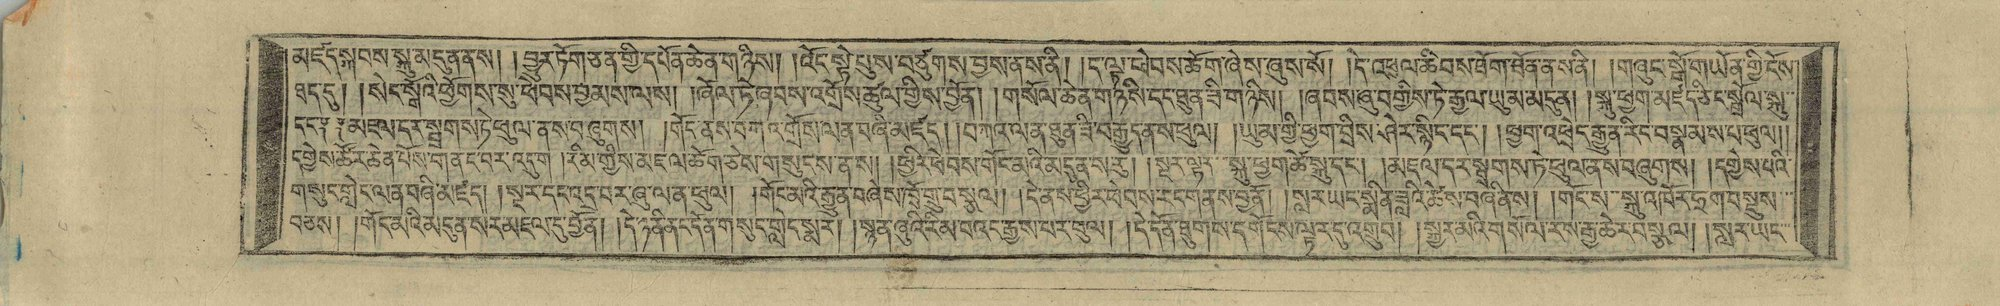མཛད་སྐབས་སྐུ་མདུན་ནས། །བྱུར་ཏོག་ཅན་གྱི་དཔོན་ཆེན་གཉིས། །འོང་སྟེ་པུས་བཙུགས་བྱས་ནས་ནི། །ད་ལྟ་ཕེབས་ཆོག་ཞེས་ཞུས་སོ། །དེ་འཕྲལ་ཆིབས་ཐོག་ཐོན་ནས་ནི། །གཞུང་སྒོ་གཡོན་གྱི་ངོས་
ཐད་དུ། །སེང་སྒོའི་ཕྱོགས་སུ་ཕེབས་བྱམས་ལས། །ཞོལ་ཏེ་ཞབས་འགྲོས་ཚུལ་གྱིས་བྱོན། །གསོལ་ཆེན་གཉིས་དང་ཐུན་ཟི་གཉིས། །ཞབས་ཞུ་བགྱིས་ཏེ་རྒྱལ་ཡུམ་མདུན། །སྐུ་ཕྱག་མཛད་ཅིང་སྒྲོལ་སྐུ་
དང་། །མཇལ་དར་སྦྲགས་ཏེ་ཕུལ་ནས་བཞུགས། །གོང་ནས་བཀའ་གྲོས་ལན་བཞི་མཛད། །བཀའ་ལན་ཐུན་ཟི་བརྒྱུད་ནས་ཕུལ། །ཡུམ་གྱི་ཕྱག་བྲིས་ཤེར་སྙིང་དང་། །ཕྱག་འཕྲེང་རྒྱུན་རིང་བསྣམས་པ་ཕུལ།།
དགྱེས་ཚོར་ཆེན་པོས་གནང་བར་འདུག །རིམ་གྱིས་མཇལ་ཆོག་ཅེས་གསུངས་ནས། །ཕྱིར་ཕེབས་གོང་མའི་མདུན་ས་རུ། །སྔར་ལྟར་སྐུ་ཕྱག་ཚེ་སྐུ་དང་། །མཇལ་དར་སྦྲགས་ཏེ་ཕུལ་ནས་བཞུགས། །དགྱེས་པའི་
གསུང་གླེང་ལན་བཞི་མཛད། །སྔར་དང་འདྲ་བར་ཞུ་ལན་ཕུལ། །གོང་མའི་རྒྱུན་བཞེས་ཁྲོ་གྲུ་བསྩལ། །དེ་ནས་ཕྱིར་ཕེབས་རང་གནས་བྱོན། །སླར་ཡང་སྨིན་ཟླའི་ཚེས་བཞི་ནས། །གོང་ས་སྐུ་འཁོར་ཧྲག་བསྡུས་
བཅས། །གོང་མའི་མདུན་སར་མཇལ་དུ་བྱོན། །དེ་ཉིན་ནང་དོན་གསུང་གླེང་སྨར། །སྙན་ཞུའི་རིམ་པའང་རྒྱས་པར་ཕུལ། །དེ་དོན་ཐུགས་དགོངས་ལྟར་དུ་འགྲུབ། །སྐྱར་མའི་གསོལ་རས་རྒྱ་ཆེར་བསྩལ། །སླར་ཡང་